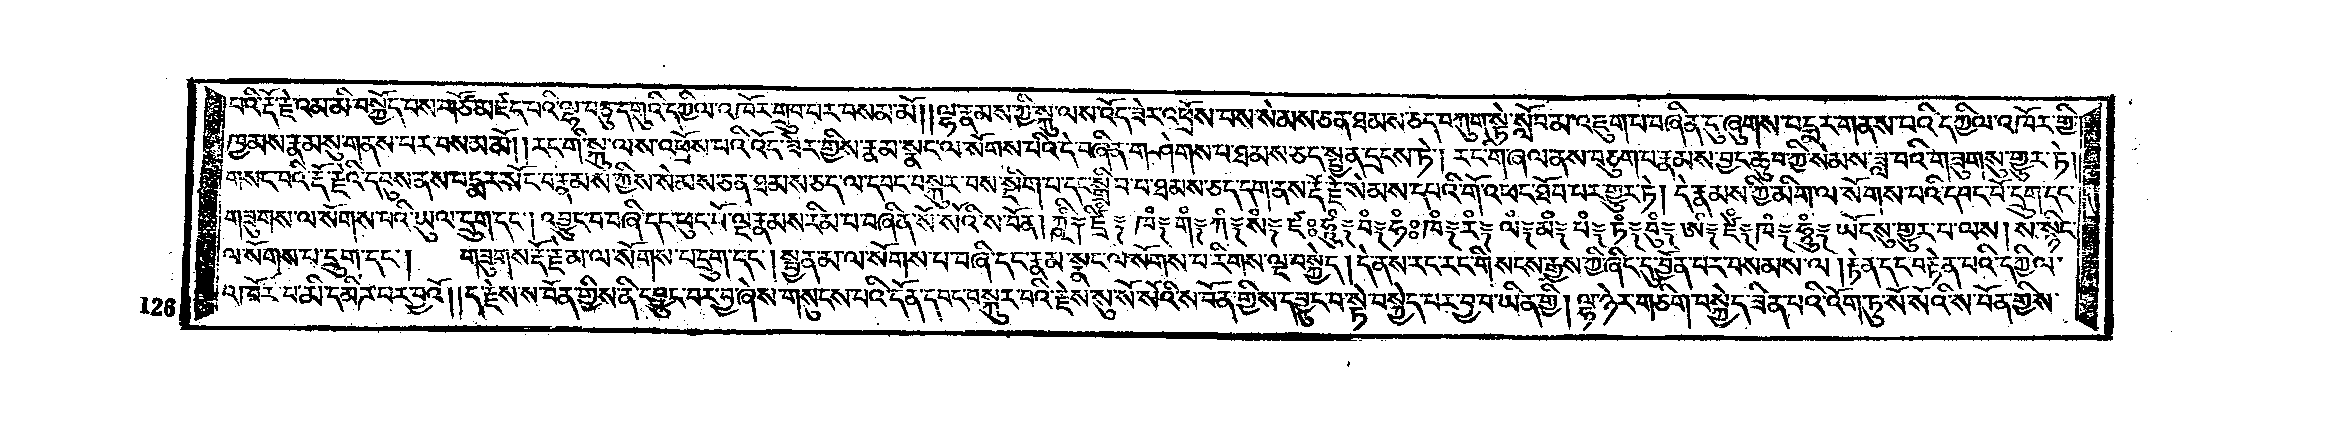པའི་རྡོ་རྗེ་འམ་མི་བསྐྱོད་པས་གཙོ་མཛད་པའི་ལྷ་བཅུ་དགུའི་དཀྱིལ་འཁོར་གྲུབ་པར་བསམ་མོ། །ལྷ་རྣམས་ཀྱི་སྐུ་ལས་འོད་ཟེར་འཕྲོས་པས་སེམས་ཅན་ཐམས་ཅད་བཀུག་སྟེ་སློབ་མ་འཇུག་པ་བཞིན་དུ་ཞུགས་པདམར་གནས་པའི་དཀྱིལ་འཁོར་གྱི་
ཁྱམས་རྣམས་སུ་གནས་པར་བསམ་མོ། །རང་གི་སྐུ་ལས་འཕྲོས་པའི་འོད་ཟེར་གྱིས་རྣམ་སྣང་ལ་སོགས་པའི་དེ་བཞིན་གཤེགས་པ་ཐམས་ཅད་སྤྱན་དྲངས་ཏེ། རང་གི་ཞལ་ནས་བཅུག་པ་རྣམས་བྱང་ཆུབ་ཀྱི་སེམས་ཟླ་བའི་གཟུགས་སུ་གྱུར་ཏེ།
གསང་བའི་རྡོ་རྗེའི་དབུས་ནས་པདམར་སོང་བ་རྣམས་ཀྱིས་སེམས་ཅན་ཐམས་ཅད་ལ་དབང་བསྐུར་བས་སྡིག་པ་དང་སྒྲིབ་པ་ཐམས་ཅད་དག་ནས་རྡོ་རྗེ་སེམས་དཔའི་གོ་འཕང་ཐོབ་པར་གྱུར་ཏེ། དེ་རྣམས་ཀྱི་མིག་ལ་སོགས་པའི་དབང་པོ་དྲུག་དང་།
གཟུགས་ལ་སོགས་པའི་ཡུལ་དྲུག་དང་། འབྱུང་བ་བཞི་དང་ཕུང་པོ་ལྔ་རྣམས་རིམ་པ་བཞིན་སོ་སོའི་ས་བོན། ཀྵིཾ༈ ཛྲིཾ༈ ཁཾ༈ གཾ༈ ཀཾ༈ སཾ༈ ཛཿ ཧཱུཾ༈ བཾ༈ ཧཾཿ ཁཾ༈ རཾ༈ ལཾ༈ མཾ༈ པཾ༈ ཏཾ༈ བུཾ༈ ཨཾ༈ ཛེཨཾ༈ ཁཾ༈ ཧཱུཾ༈ ཡོངས་སུ་གྱུར་པ་ལས། ས་སྙིང་
ལ་སོགས་པ་དྲུག་དང་། གཟུགས་རྡོ་རྗེ་མ་ལ་སོགས་པ་དྲུག་དང་། སྤྱན་མ་ལ་སོགས་པ་བཞི་དང་རྣམ་སྣང་ལ་སོགས་པ་རིགས་ལྔ་བསྐྱེད། དེ་ནས་རང་རང་གི་སངས་རྒྱས་ཀྱི་ཞིང་དུ་བྱོན་པར་བསམས་ལ། རྟེན་དང་བརྟེན་པའི་དཀྱིལ་
འཁོར་བ་མི་དམིགས་པར་བྱའོ། །དེ་རྗེས་ས་བོན་གྱིས་ནི་དབྱུང་བར་བྱ་ཞེས་གསུངས་པའི་དོན་དབང་བསྐུར་བའི་རྗེས་སུ་སོ་སོའི་ས་བོན་གྱིས་དབྱུང་བ་སྟེ་བསྐྱེད་པར་བྱ་བ་ཡིན་གྱི། ལྷ་ཉེར་གཅིག་བསྐྱེད་ཟིན་པའི་འོག་ཏུ་སོ་སོའི་ས་བོན་གྱིས་